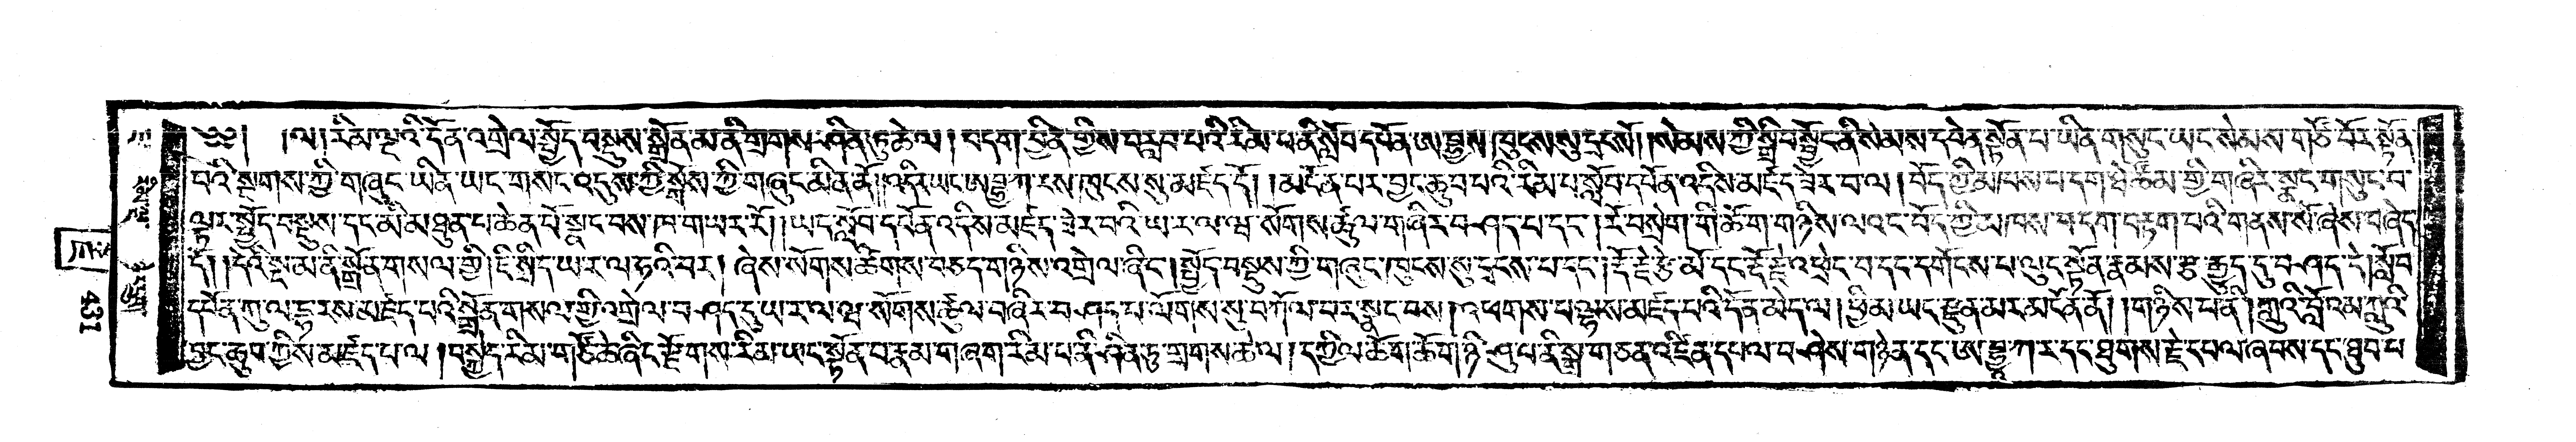༄༅། །ལ། རིམ་ལྔའི་དོན་འགྲེལ་སྤྱོད་བསྡུས་སྒྲོན་མ་ནི་གྲགས་ཤིན་ཏུ་ཆེ་ལ། བདག་བྱིན་གྱིས་བརླབ་པའི་རིམ་པ་ནི་སློབ་དཔོན་ཨ་བྷྱས་ཁུངས་སུ་དྲངས་སོ། །སེམས་ཀྱི་སྒྲིབ་སྦྱོང་ནི་སེམས་དབེན་སྟོན་པ་ཡིན་གསུང་ཡང་སེམས་གཙོ་བོར་སྟོན་
པའི་སྔགས་ཀྱི་གཞུང་ཡིན་ཡང་གསང་འདུས་ཀྱི་སྒོས་ཀྱི་གཞུང་མིན་ནོ། །འདིར་ཡང་ཨ་བྷྱ་ཀ་རས་ཁུངས་སུ་མཛད་དོ། །མངོན་པར་བྱང་ཆུབ་པའི་རིམ་པ་སློབ་དཔོན་འདིས་མཛད་ཟེར་བ་ལ། བོད་ཀྱི་མཁས་པ་དག་ཐེ་ཚོམ་གྱི་གཞིར་སྣང་གསུང་བ་
ལྟར་སྤྱོད་བསྡུས་དང་མི་མཐུན་པ་ཆེན་པོ་སྣང་བས་ཁ་གཡར་རོ། །ཡང་སློབ་དཔོན་འདིས་མཛད་ཟེར་བའི་ཡ་ར་ལ་ཝ་སོགས་ཚུལ་གཞིར་བཤད་པ་དང་། རོ་བསྲེག་གི་ཆོ་ག་གཉིས་ལའང་བོད་ཀྱི་མཁས་པ་དག་བརྟག་པའི་གནས་སོ་ཞེས་བཞེད་
དོ། །དེའི་སྔ་མ་ནི་སྒྲོན་གསལ་གྱི། ཇི་སྲིད་ཡ་ར་ལ་ཧའི་བར། ཞེས་སོགས་ཚིགས་བཅད་གཉིས་འགྲེལ་ཞིང་། སྤྱོད་བསྡུས་ཀྱི་གཞུང་ཁུངས་སུ་དྲངས་པ་དང་། རྡོ་རྗེ་རྩེ་མོ་དང་རྡོ་རྗེ་འཕྲེང་བ་དང་དགོངས་པ་ལུང་སྟོན་རྣམས་རྩ་རྒྱུད་དུ་བཤད་དེ། སློབ་
དཔོན་ཀུ་ལ་དྷ་རས་མཛད་པའི་སྒྲོན་གསལ་གྱི་འགྲེལ་བཤད་དུ་ཡ་ར་ལ་ཝ་སོགས་ཚུལ་བཞིར་བཤད་པ་ལོགས་སུ་བཀོལ་བར་སྣང་བས། འཕགས་པ་ལྷས་མཛད་པའི་དོན་མེད་ལ། ཕྱི་མ་ཡང་རྫུན་མར་མངོན་ནོ། །གཉིས་པ་ནི། ཀླུའི་བློ་འམ་ཀླུའི་
བྱང་ཆུབ་ཀྱིས་མཛེད་པ་ལ། བསྐྱེད་རིམ་གཙོ་ཆེ་ཞིང་རྫོགས་རིམ་ཡང་སྟོན་པ་རྣམ་གཞག་རིམ་པ་ནི་ཤིན་ཏུ་གྲགས་ཆེ་ལ། དཀྱིལ་ཆོག་ཆོ་ག་ཉི་ཤུ་པ་ནི་སྒྲ་གཅན་འཛིན་དཔལ་བཤེས་གཉེན་དང་ཨ་བྷྱཱ་ཀ་ར་དང་ཐུགས་རྗེ་དཔལ་ཞབས་དང་ཐུབ་པ་